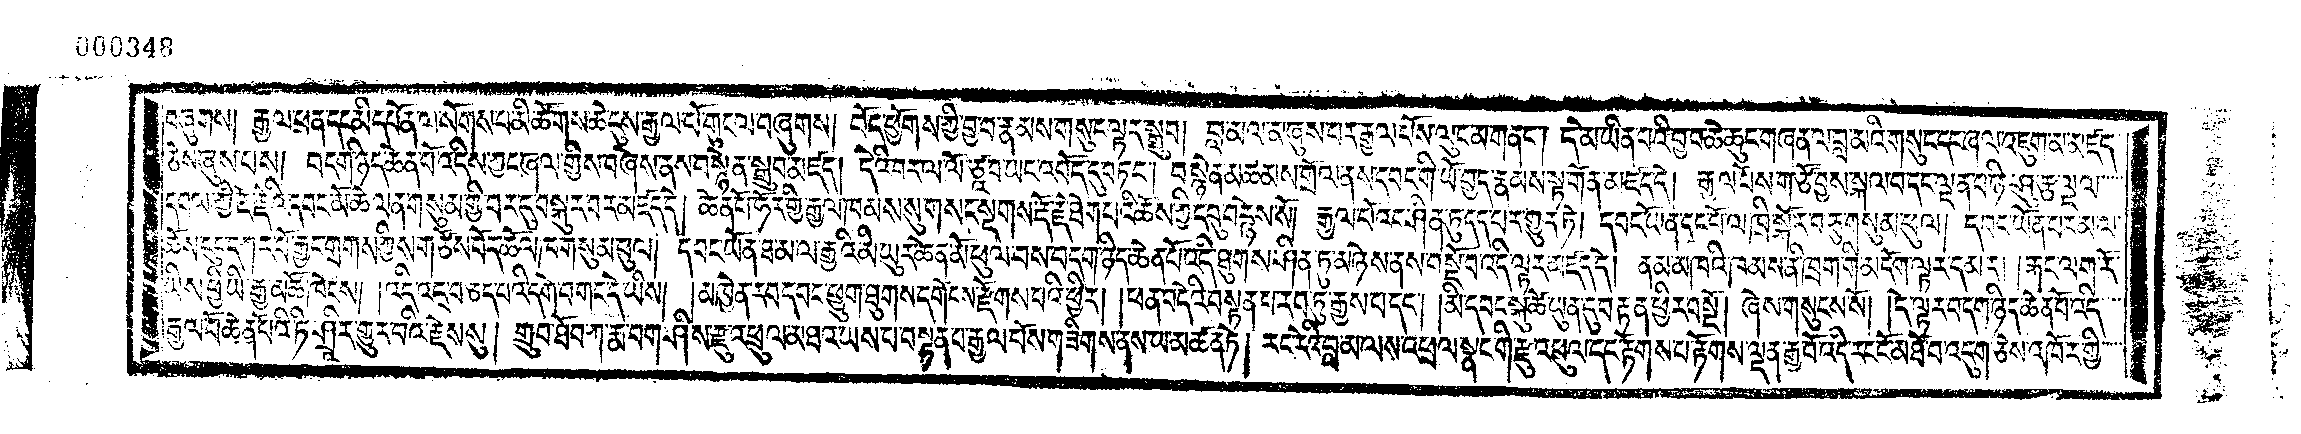བཞུགས། རྒྱལ་ཕྲན་དང་མི་དཔོན་ལ་སོགས་པ་མི་ཆོགས་ཆེ་དུས་རྒྱལ་པོ་གུང་ལ་བཞུགས། བོད་ཕྱོགས་ཀྱི་བྱ་བ་རྣམས་གསུང་ལྟར་སྒྲུབ། བླ་མ་ལ་མ་ཞུས་པར་རྒྱལ་པོས་ལུང་མ་གནང་། དེ་མ་ཡིན་པའི་བྱ་བ་ཆེ་ཆུང་གཞན་ལ་བླ་མའི་གསུང་དང་ཞལ་འཇུག་མ་མཛད་
ཅེས་ཞུས་པས། བདག་ཉིད་ཆེན་པོ་འདིས་ཀྱང་ཞལ་གྱིས་བཞེས་ནས་བསྙེན་སྒྲུབ་མཛད། དེའི་བར་ལ་ལོ་ཙཱ་བ་ཡང་འབོད་དུ་བཏང་། བསྙེན་མཚམས་གྲོལ་ནས་དབང་གི་ཡོ་བྱད་རྣམས་སྟ་གོན་མཛད་དེ། རྒྱལ་པོས་གཙོ་བྱས་སྐལ་བ་དང་ལྡན་པ་ཉི་ཤུ་རྩ་ལྔ་ལ་
དཔལ་ཀྱི་རྡོ་རྗེའི་དཔང་མོ་ཆེ་ལན་གསུམ་གྱི་བར་དུ་བསྐུར་བར་མཛད་དེ། ཆེན་པོ་ཧོར་གྱི་རྒྱལ་ཁམས་སུ་གསང་སྔགས་རྡོ་རྗེ་ཐེག་པའི་ཆོས་ཀྱི་དབུ་བརྙེས་སོ། རྒྱལ་པོའང་ཤིན་ཏུ་དད་པར་གྱུར་ཏེ། དབང་ཡོན་དང་པོ་ལ་ཁྲི་སྐོར་བཅུ་གསུམ་ཕུལ། དབང་ཡིན་པར་མ་ལ་
ཆོས་དུང་དཀར་པོ་རྒྱད་གྲགས་ཀྱིས་གཙོས་བོད་ཆོལ་ཁ་གསུམ་ཕུལ། དབང་ཡོན་ཐ་མ་ལ་རྒྱའི་མི་གྱུར་ཆེན་མོ་ཕུལ་བས་བདག་ཉིད་ཆེན་པོ་འདི་ཐུགས་ཤིན་ཏུ་མཉེས་ནས་བསྔོ་བ་འདི་ལྟར་མཛད་དེ། ནམ་མཁའི་ཁམས་ནི་ཁྲག་གི་མདོག་ལྟར་དམར། །རྐང་ལག་རོ་
ཡིས་ཕྱི་ཡི་རྒྱ་མཚོ་ཁེངས། །འདི་འདྲ་བཅད་པའི་དགེ་བ་གང་དེ་ཡིས། །མཁྱེན་རབ་དབང་ཕྱུག་ཐུགས་དགོངས་རྫོགས་པའི་ཕྱིར། །ཕན་བདེའི་བསྟན་པ་རབ་ཏུ་རྒྱས་པ་དང་། མི་དབང་སྐུ་ཚེ་ཡུན་དུ་བརྟན་ཕྱིར་བསྔོ། ཞེས་གསུངས་སོ། །དེ་ལྟར་བདག་ཉིད་ཆེན་པོ་འདི་
རྒྱལ་པོ་ཆེན་པོའི་ཏི་ཤྲཱི་རྒྱུར་པའི་རྗེས་སུ། གྲུབ་ཐོབ་ཀརྨ་པ་གཤིས་རྫུ་འཕྲུལ་མཐའ་ཡས་པ་བསྟན་པ་རྒྱལ་པོས་གཟིགས་ནས་ཡ་མཚན་ཏེ། རང་རེའི་བླ་མ་ལས་འཕྲལ་སྣང་གི་རྫུ་འཕྲུལ་དང་རྟོགས་པ་རྟོགས་ལྡན་རྒྱ་བོ་འདིར་རང་ངོ་མཐོ་བ་འདུག་ཅེས་འཁོར་གྱི་